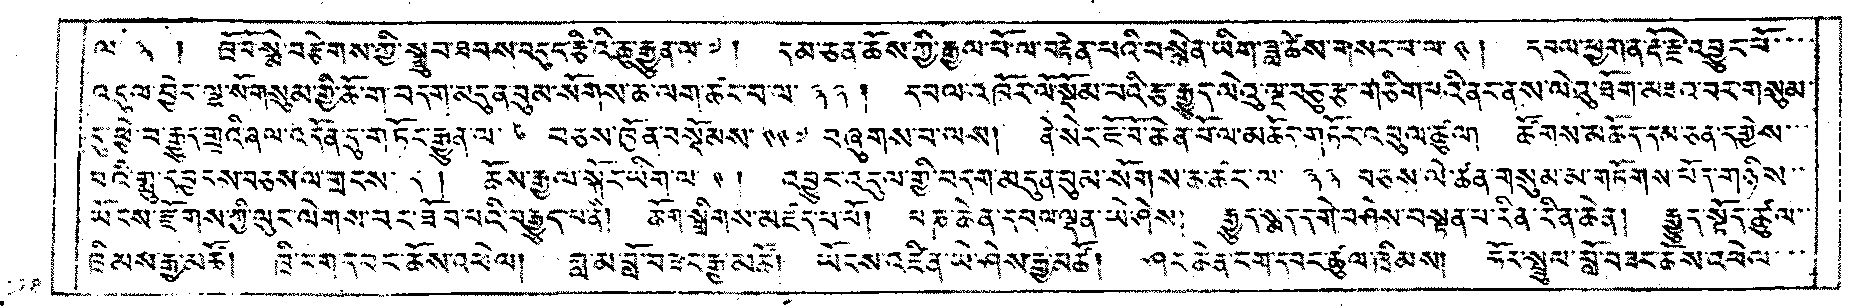ལ ༣། ཁྲོ་བོ་སྨེ་བརྩེགས་ཀྱི་སྒྲུབ་ཐབས་བདུད་རྩིའི་ཆུ་རྒྱུན་ལ ༧། དམ་ཅན་ཆོས་ཀྱི་རྒྱལ་པོ་ལ་བརྟེན་པའི་བསྙེན་ཡིག་ཟླ་ཚེས་གསར་པ་ལ ༤། དཔལ་ཕྱག་ན་རྡོ་རྗེ་འབྱུང་པོ་
འདུལ་བྱེད་ལྷ་སོ་གསུམ་གྱི་ཆོ་ག་བདག་མདུན་བུམ་སོགས་ཆ་ལག་ཚང་བ་ལ ༣༢། དཔལ་འཁོར་ལོ་སྡོམ་པའི་རྩ་རྒྱུད་ལེའུ་ལྔ་བཅུ་རྩ་གཅིག་པའི་ནང་ནས་ལེའུ་ཐོག་མཐའ་བར་གསུམ་
དུ་ཕྱེ་བ་རྒྱུད་གྲྭའི་ཞལ་འདོན་དུ་གཏོང་རྒྱུན་ལ ༦་བཅས་ཁྱོན་བསྡོམས ༤༤༧་བཞུགས་པ་ལས། ནེ་སེར་ཇོ་བོ་ཆེན་པོ་ལ་མཆོད་གཏོར་འབུལ་ཚུལ། ཚོགས་མཆོད་དམ་ཅན་དགྱེས་
པའི་གླུ་དབྱངས་བཅས་ལ་གྲངས ༨། ཆོས་རྒྱལ་སྐོར་ཡིག་ལ ༤། འབྱུང་འདུལ་གྱི་བདག་མདུན་བུམ་སོགས་ཆ་ཚང་ལ ༣༣་བཅས་ལེ་ཚན་གསུམ་མ་གཏོགས་པོད་གཉིས་
ཡོངས་རྫོགས་ཀྱི་ལུང་ལེགས་པར་ཐོབ་པའི་བརྒྱུད་པ་ནི། ཆོག་སྒྲིགས་མཛད་པ་པོ། པཎ་ཆེན་དཔལ་ལྡན་ཡེ་ཤེས། རྒྱུད་སྨད་དགེ་བཤེས་བསྟན་པ་རིན་ཆེན། རྒྱུད་སྟོད་ཚུལ་
ཁྲིམས་རྒྱ་མཚོ། ཁྲི་ངག་དབང་ཆོས་འཕེལ། བླ་མ་བློ་བཟང་རྒྱ་མཚོ། ཡོངས་འཛིན་ཡེ་ཤེས་རྒྱ་མཚོ། ཤར་ཆེན་ངག་དབང་ཚུལ་ཁྲིམས། ཧོར་སྤྲུལ་བློ་བཟང་ཆོས་འཕེལ་